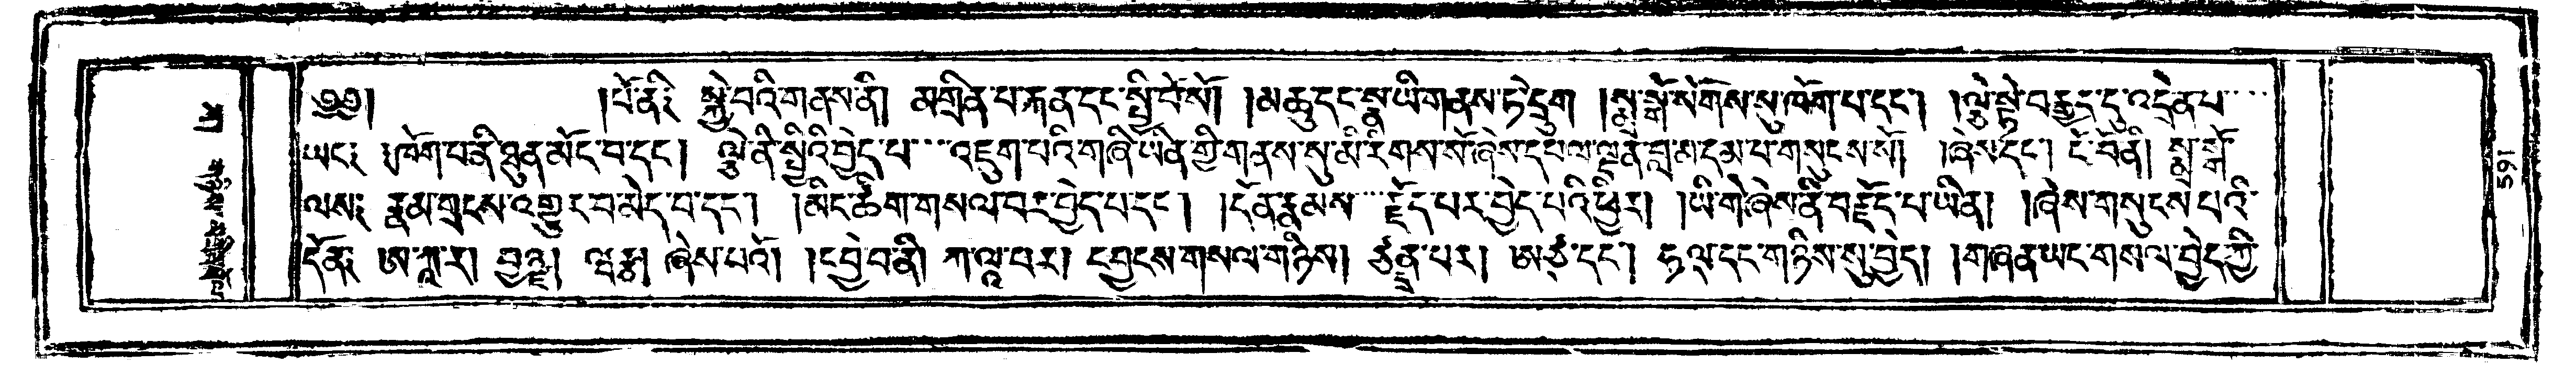༄༅། །པོ་ནི། སྐྱེ་བའི་གནས་ནི། མགྲིན་པ་རྐན་དང་སྤྱི་བོ་སོ། །མཆུ་དང་སྣ་ཡི་གནས་ཏེ་དྲུག །སྨྲ་སྒོ་སོགས་སུ་ཁོག་པ་དང་། །ལྕེ་སྟེ་བརྒྱད་དུ་འདྲེན་པ་
ཡང་། །ཁོག་པ་ནི་ཐུན་མོང་བ་དང་། ལྕེ་ནི་སྤྱིའི་བྱེད་པ་འཇུག་པའི་གཞི་ཡིན་གྱི་གནས་སུ་མི་རིགས་སོ་ཞེས་དཔལ་ལྡན་བླ་མ་དམ་པ་གསུངས་སོ། །ཞེས་དང་། ངོ་བོ་ནི། སྨྲ་སྒོ་
ལས། རྣམ་གྲངས་འགྱུར་བ་མེད་པ་དང་། །མི་ཚིག་གསལ་བར་བྱེད་པ་དང་། །དོན་རྣམས་རྗོད་པར་བྱེད་པའི་ཕྱིར། །ཡི་གེ་ཞེས་ནི་བརྗོད་པ་ཡིན། །ཞེས་གསུངས་པའི་
དོན། ཨ་ཀཱ་ར། བྱཉྫ། ཝ་རྩ། ཞེས་པའོ། །དབྱེ་བ་ནི། ཀ་ལཱ་པར། དབྱངས་གསལ་གཉིས། ཙནྡྲ་པར། ཨ་ཙ་དང་། ཧ་ལ་དང་གཉིས་སུ་བྱེད། །གཞན་ཡང་གསལ་བྱེད་ཀྱི་